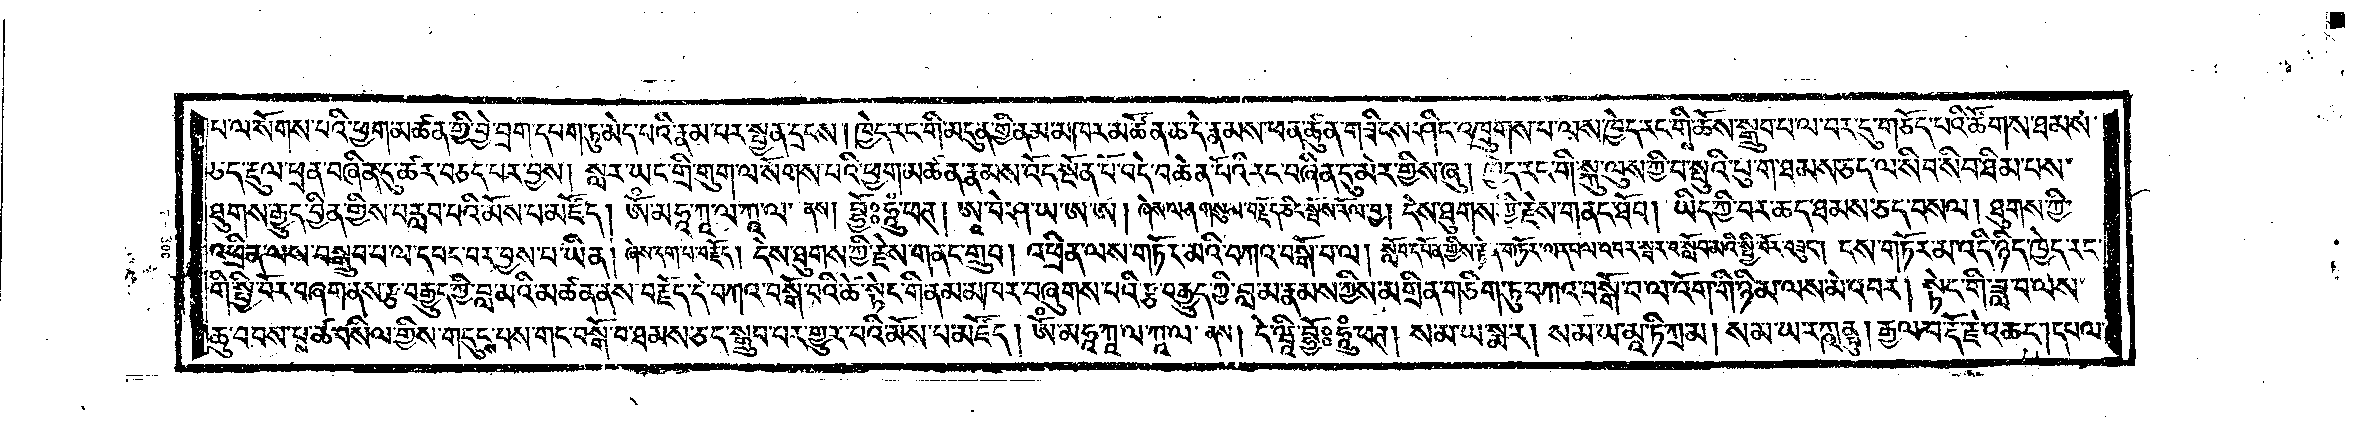པ་ལ་སོགས་པའི་ཕྱག་མཚན་གྱི་བྱེ་བྲག་དཔག་ཏུ་མེད་པའི་རྣམ་པར་སྤྱན་དྲངས། ཁྱེད་རང་གི་མདུན་གྱི་ནམ་མཁར་མཚོན་ཆ་དེ་རྣམས་ཕན་ཚུན་གཟིངས་ཤིང་འཁྲུགས་པ་ལས་ཁྱེད་རང་གིས་ཆོས་སྒྲུབ་པ་ལ་བར་དུ་གཅོད་པའི་ཚོགས་ཐམས་
ཅད་རྡུལ་ཕྲན་བཞིན་དུ་ཚར་བཅད་པར་བྱས། སླར་ཡང་གྲི་གུག་ལ་སོགས་པའི་ཕྱག་མཚན་རྣམས་འོད་སྔོན་པོ་བདེ་བ་ཆེན་པོའི་རང་བཞིན་དུ་མེར་གྱིས་ཞུ། ཁྱེད་རང་གི་སྐུ་ལུས་ཀྱི་བ་སྤུའི་བུ་ག་ཐམས་ཅད་ལ་སིབ་སིབ་ཐིམ་པས་
ཐུགས་རྒྱུད་བྱིན་གྱིས་བརླབ་པའི་མོས་པ་མཛོད། ཨོཾ་མཧཱ་ཀཱ་ལ་ཀཱ་ལ་ནས། བྷྱོཿ ཧཱུཾ་ཕཊ། ཨཱ་བེ་ཤ་ཡ་ཨ་ཨ། ཞེས་ལན་གསུམ་བརྗོད་ཅིང་སྤོས་རོལ་བྱ།  དེས་ཐུགས་ཀྱི་རྗེས་གནང་ཐོབ། ཡིད་ཀྱི་བར་ཆད་ཐམས་ཅད་བསལ། ཐུགས་ཀྱི་
འཕྲིན་ལས་བསྒྲུབ་པ་ལ་དབང་བར་བྱས་པ་ཡིན། ཞེས་དག་པ་བརྗོད།  དེས་ཐུགས་ཀྱི་རྗེས་གནང་གྲུབ། འཕྲིན་ལས་གཏོར་མའི་བཀའ་བསྒོ་བ་ལ། སློབ་དཔོན་གྱིས་རྟེན་གཏོར་ལ་དཔལ་འབར་སྦར་བ་སློབ་མའི་སྤྱི་བོར་བཟུང་།  ངས་གཏོར་མ་འདི་ཉིད་ཁྱེད་རང་
གི་སྤྱི་བོར་བཞག་ནས་རྩ་བརྒྱུད་ཀྱི་བླ་མའི་མཚན་ནས་བརྗོད་དེ་བཀའ་བསྒོ་བའི་ཚེ་སྟེང་གི་ནམ་མཁར་བཞུགས་པའི་རྩ་བརྒྱུད་ཀྱི་བླ་མ་རྣམས་ཀྱིས་མགྲིན་གཅིག་ཏུ་བཀའ་བསྒོ་བ་ལ་འོག་གི་ཉི་མ་ལས་མེ་འབར། སྟེང་གི་ཟླ་བ་ལས་
ཆུ་བབས་པས་ཚ་བསིལ་གྱིས་གདུངས་པས་གང་བསྒོ་བ་ཐམས་ཅད་སྒྲུབ་པར་གྱུར་པའི་མོས་པ་མཛོད། ཨོཾ་མཧཱ་ཀཱ་ལ་ཀཱ་ལ་ནས། དེ་ཝཱི་བྷྱོཿ ཧཱུཾ་ཕཊ། ས་མ་ཡ་སྨ་ར། ས་མ་ཡ་མཱ་ཏི་ཀྲ་མ། ས་མ་ཡ་རཀྵནྟུ། རྒྱལ་བ་རྡོ་རྗེ་འཆང་། དཔལ་